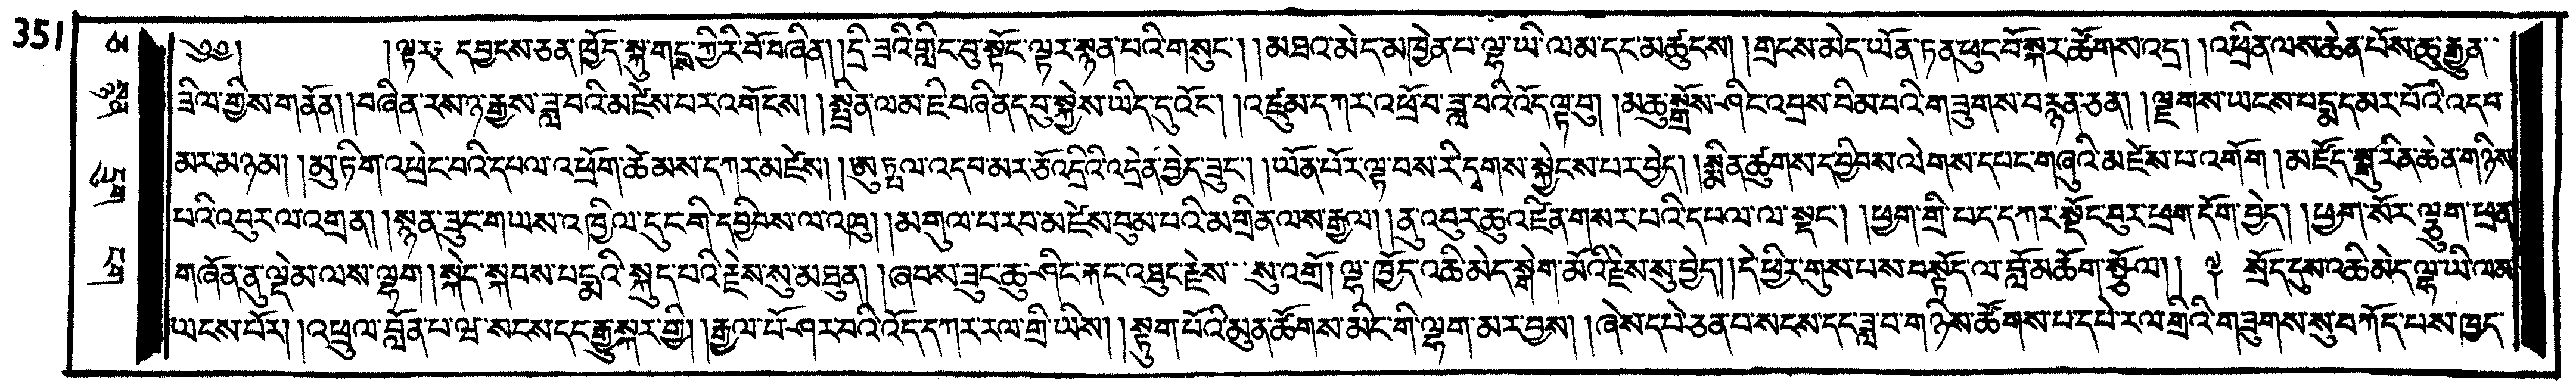༄༅། །ལྟར༑ དབྱངས་ཅན་ཁྱོད་སྐུ་གངས་ཀྱི་རི་བོ་བཞིན། །དྲི་ཟའི་གླིང་བུ་སྟོང་ལྟར་སྙན་པའི་གསུང་། །མཐའ་མེད་མཁྱེན་པ་ལྷ་ཡི་ལམ་དང་མཚུངས། །གྲངས་མེད་ཡོན་ཏན་ཕུང་བསྐོར་ཚོགས་འདྲ། །འཕྲིན་ལས་ཆེན་པོས་ཆུག་རྒྱུན་
ཟིལ་གྱིས་གནོན་།བཞིན་རས་ཉ་རྒྱས་ཟླ་བའི་མཛེས་པར་འགོངས། །སྤྲིན་ལམ་ཇ་བཞིན་དབུ་སྐྱེས་ཡིད་དུ་འོང་། །འཛུམ་དཀར་འཕྲོ་བ་ཟླ་བའི་འོད་ལྟ་བུ། །མཆུ་སྒྲོས་ཤིང་འབྲས་བིམ་བའི་གཟུགས་བརྙན་ཅན། །ལྗགས་ཡུངས་པདམ་དམར་པོའི་འདབ་
མར་མཉམ། །མུ་ཏིག་འཕྲེང་བའི་དཔལ་འཕྲོག་ཚེམས་དཀར་མཛེས། །ཨུཏྤལ་འདབ་མར་ཅོ་འདྲིའི་འདྲེན་བྱེད་ཟུང་། །ཡོན་པོར་ལྟ་བས་རི་དྭགས་སྐྱེངས་པར་བྱེད། །སྨིན་ཚུགས་དབྱིབས་ལེགས་དབང་གཞུའི་མཛེས་པ་འགོག །མཛོད་སྒུ་རིན་ཆེན་གཉིས་
པའི་འབུར་ལ་འགྲན། །སྙན་ཟུང་གཡས་འཁྱིལ་དུང་གི་དབྱིབས་ལ་འཁུ། །མགུལ་པ་རབ་མཛེས་བུམ་པའི་མགྲིན་ལས་རྒྱལ། །ནུ་འབུར་ཆུ་འཛིན་གསར་པའི་དཔལ་ལ་སྡང་། །ཕྱག་གྲི་པད་དཀར་སྡོང་བུར་ཕྲག་དོག་བྱེད། །ཕྱག་སོར་ལྕུག་ཕྲན་
གཞོན་ནུ་ལྡེམ་ལས་ལྷག །སྐེད་སྐབས་པདམའི་སྐུད་པའི་རྗེས་སུ་མཐུན། །ཞབས་ཟུང་ཆུ་ཤིང་རྐང་འཐུང་རྗེས་་་སུ་འགྲོ། ལྷ་ཁྱོད་འཆི་མེད་སྒེག་མོའི་རྗེས་སུ་བྱེད། །དེ་ཕྱིར་གུས་པས་བསྟོད་ལ་བློ་མཆོག་སྩོལ།། འ་སྲོད་དུས་འཆི་མེད་ལྷ་ཡི་ལམ་
ཡངས་པོར། །འཕྲུལ་བློན་པ་ཝ་སངས་དང་རྒྱུ་སྐར་གྱི། །རྒྱལ་པོ་ཤར་བའི་འོད་དཀར་རལ་གྲི་ཡིས། །སྟུག་པོའི་མུན་ཚོགས་མིང་གི་ལྷག་མར་བྱས། །ཞེས་དཔེར་ཅན་པ་སངས་དང་ཟླ་བ་གཉིས་ཚོགས་པ་དཔེ་རལ་གྲིའི་གཟུགས་སུ་བཀོད་པས་ཁྱད་